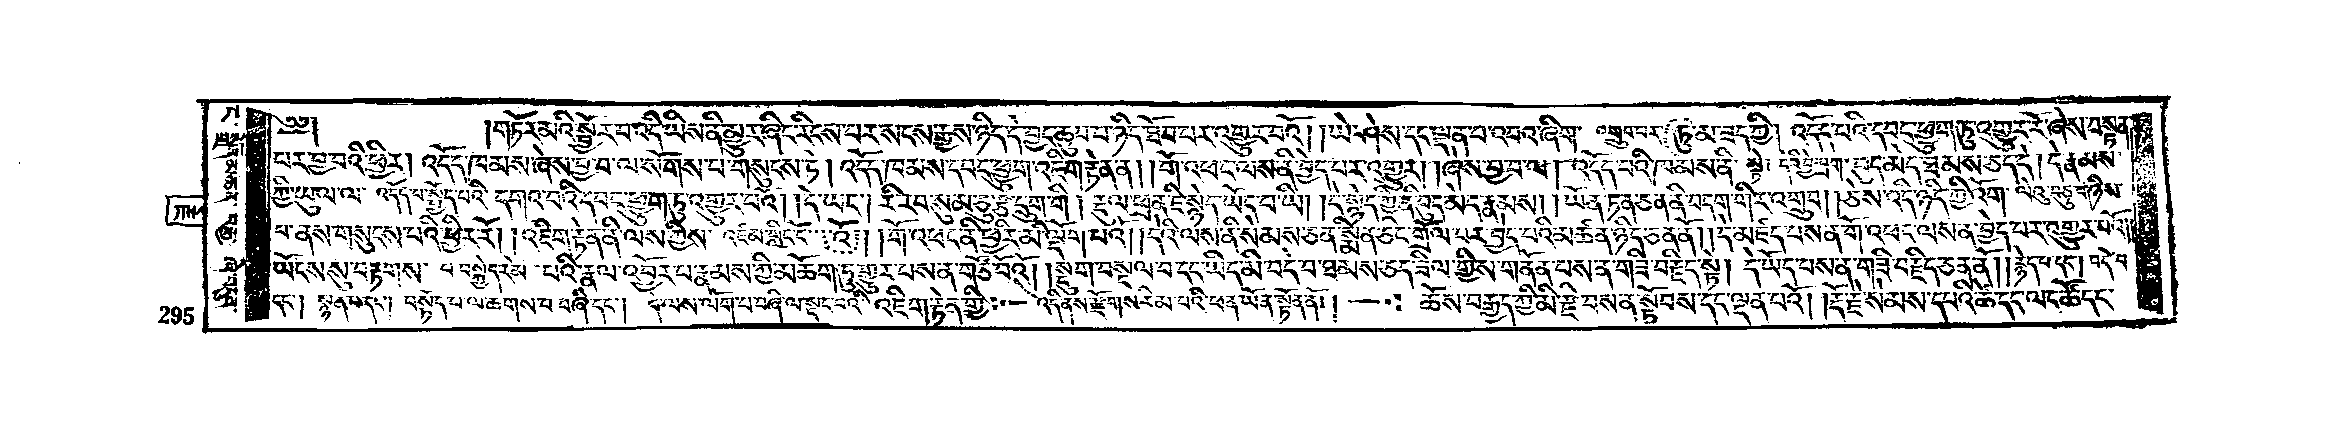༄༅། །གཏོར་མའི་སྦྱོར་བ་འདི་ཡིས་ནི་མྱུར་ཞིང་རིངས་པར་སངས་རྒྱས་ཉིད་དེ་བྱང་ཆུབ་པ་ཉིད་ཐོབ་པར་འགྱུར་བའོ། །ཡེ་ཤེས་དང་ལྡན་པ་འབའ་ཞིག་འགྲུབ་པར་ཏུ་མ་ཟད་ཀྱི། འདོད་པའི་དབང་ཕྱུག་ཏུ་འགྱུར་རོ་ཞེས་བསྟན་
པར་བྱ་བའི་ཕྱིར། འདོད་ཁམས་ཞེས་བྱ་བ་ལ་སོགས་པ་གསུངས་ཏེ། འདོད་ཁམས་དབང་ཕྱུག་འཇིག་རྟེན་ན། །གོ་འཕང་ལས་ནི་བྱེད་པར་འགྱུར། །ཞེས་བྱ་བ་ལ། འདོད་པའི་ཁམས་ནི་སྟེ། དེའི་བྱེ་བྲག་བུད་མེད་ཐམས་ཅད་དེ། དེ་རྣམས་
ཀྱི་ཡུལ་ལ་འདོད་པ་སྤྱོད་པའི་དགའ་བའི་དབང་ཕྱུག་ཏུ་འགྱུར་པའོ། །དེ་ཡང་། རི་རབ་སུམ་ཅུ་རྩ་དྲུག་གི །རྡུལ་ཕྲན་ཇི་སྙེད་ཡོད་པ་ཡི། །དེ་སྙེད་ཀྱི་ནི་བུད་མེད་རྣམས། །ཡོན་ཏན་ཅན་ནི་བདག་གིར་འགྲུབ། །ཅེས་འདི་ཉིད་ཀྱི་འོག་ལེའུ་བཅུ་གཉིས་
པ་ནས་གསུངས་པའི་ཕྱིར་རོ། །འཇིག་རྟེན་ནི་ལས་ཀྱིས་འཛམ་གླིང་ངོ་འོ། །གོ་འཕང་ནི་ཕྱིར་མི་ལྡོག་པའོ། །དེའི་ལས་ནི་སེམས་ཅན་སྨིན་ཅིང་གྲོལ་བར་བྱེད་པའི་མཚན་ཉིད་ཅན་ནོ། །དེ་མཛད་པས་ན་གོ་འཕང་ལས་ནི་བྱེད་པར་འགྱུར་བའོ།།
ཡོངས་སུ་བརྟགས་པ་བསྐྱེད་རིམ་པའི་རྣལ་འབྱོར་པ་རྣམས་ཀྱི་མཆོག་ཏུ་གྱུར་པས་ན་གཙོ་བོའོ། །སྡུག་བསྔལ་བ་དང་ཡིད་མི་བདེ་བ་ཐམས་ཅད་ཟིལ་གྱིས་གནོན་པས་ན་གཟི་བརྗིད་སྟེ། དེ་ཡོད་པས་ན་གཟི་བརྗིད་ཅན་ནོ། །རྙེད་པ་དང་། བདེ་བ་
དང་། སྙན་པ་དང་། བསྟོད་པ་ལ་ཆགས་པ་བཞི་དང་། དེ་ལས་ལོག་པ་བཞི་ལ་སྡང་བའི་འཇིག་རྟེན་གྱི་འདི་ནས་རྫོགས་རིམ་པའི་ཕན་ཡོན་སྟོན་ནོ།།  ཆོས་བརྒྱད་ཀྱི་མི་རྫི་བས་ན་སྟོབས་དང་ལྡན་པའོ། །རྡོ་རྗེ་སེམས་དཔའི་ཚེ་དང་ལང་ཚོ་དང་